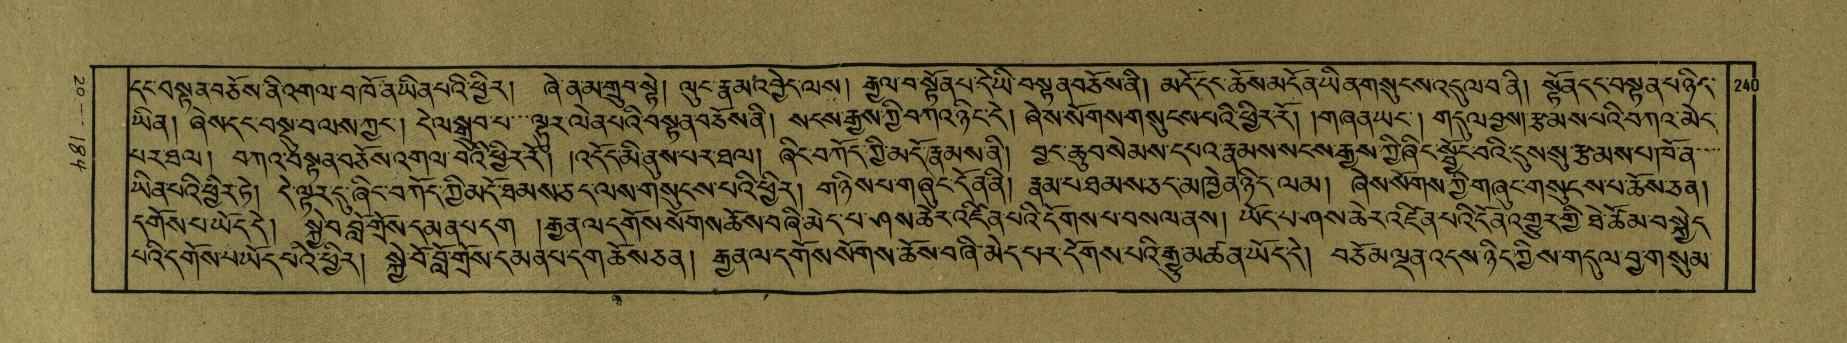དང་བསྟན་བཅོས་ནི་འགལ་བ་ཁོ་ན་ཡིན་པའི་ཕྱིར། ཞེ་ན་མ་གྲུབ་སྟེ། ལུང་རྣམ་འབྱེད་ལས། རྒྱལ་བ་སྟོན་པ་དེ་ཡི་བསྟན་བཅོས་ནི། མདོ་དང་ཆོས་མངོན་ཡིན་གསུངས་འདུལ་བ་ནི། སྟོན་དང་བསྟན་པ་ཉིད་
ཡིན། ཞེས་དང་བསྡུ་བ་ལས་ཀྱང་། དེ་ལ་སྒྲུབ་པ་ལྷུར་ལེན་པའི་བསྟན་བཅོས་ནི། སངས་རྒྱས་ཀྱི་བཀའ་ཉིད་དེ། ཞེས་སོགས་གསུངས་པའི་ཕྱིར་རོ། །གཞན་ཡང་། གདུལ་བྱས། རྩམས་པའི་བཀའ་མེད་
པར་ཐལ། བཀའ་བསྟན་བཅོས་འགལ་བའི་ཕྱིར་རོ། །འདོད་མི་ནུས་པར་ཐལ། ཞིང་བཀོད་ཀྱི་མདོ་རྣམས་ནི། བྱང་ཆུབ་སེམས་དཔའ་རྣམས་སངས་རྒྱས་ཀྱི་ཞིང་སྦྱོང་བའི་དུས་སུ་རྩམས་པ་ཁོ་ན་
ཡིན་པའི་ཕྱིར་ཏེ། དེ་ལྟར་དུ་ཞིང་བཀོད་ཀྱི་མདོ་ཐམས་ཅད་ལས་གསུངས་པའི་ཕྱིར། གཉིས་པ་གཞུང་དོན་ནི། རྣམ་པ་ཐམས་ཅད་མཁྱེན་ཉིད་ལམ། ཞེས་སོགས་ཀྱི་གཞུང་གསུངས་པ་ཆོས་ཅན།
དགོས་པ་ཡོད་དེ། སྐྱེ་བ་བློ་གྲོས་དམན་པ་དག །རྒྱན་ལ་དགོས་སོགས་ཆོས་བཞི་མེད་པ་ཤས་ཆེར་འཛིན་པའི་དོགས་པ་བསལ་ནས། ཡོད་པ་ཤས་ཆེར་འཛིན་པའི་དོན་འགྱུར་གྱི་ཐེ་ཚོམ་བསྐྱེད་
པའི་དགོས་པ་ཡོད་པའི་ཕྱིར། སྐྱེ་བོ་བློ་གྲོས་དམན་པ་དག་ཆོས་ཅན། རྒྱན་ལ་དགོས་སོགས་ཆོས་བཞི་མེད་པར་དོགས་པའི་རྒྱུ་མཚན་ཡོད་དེ། བཅོམ་ལྡན་འདས་ཉིད་ཀྱིས་གདུལ་བྱ་གསུམ་